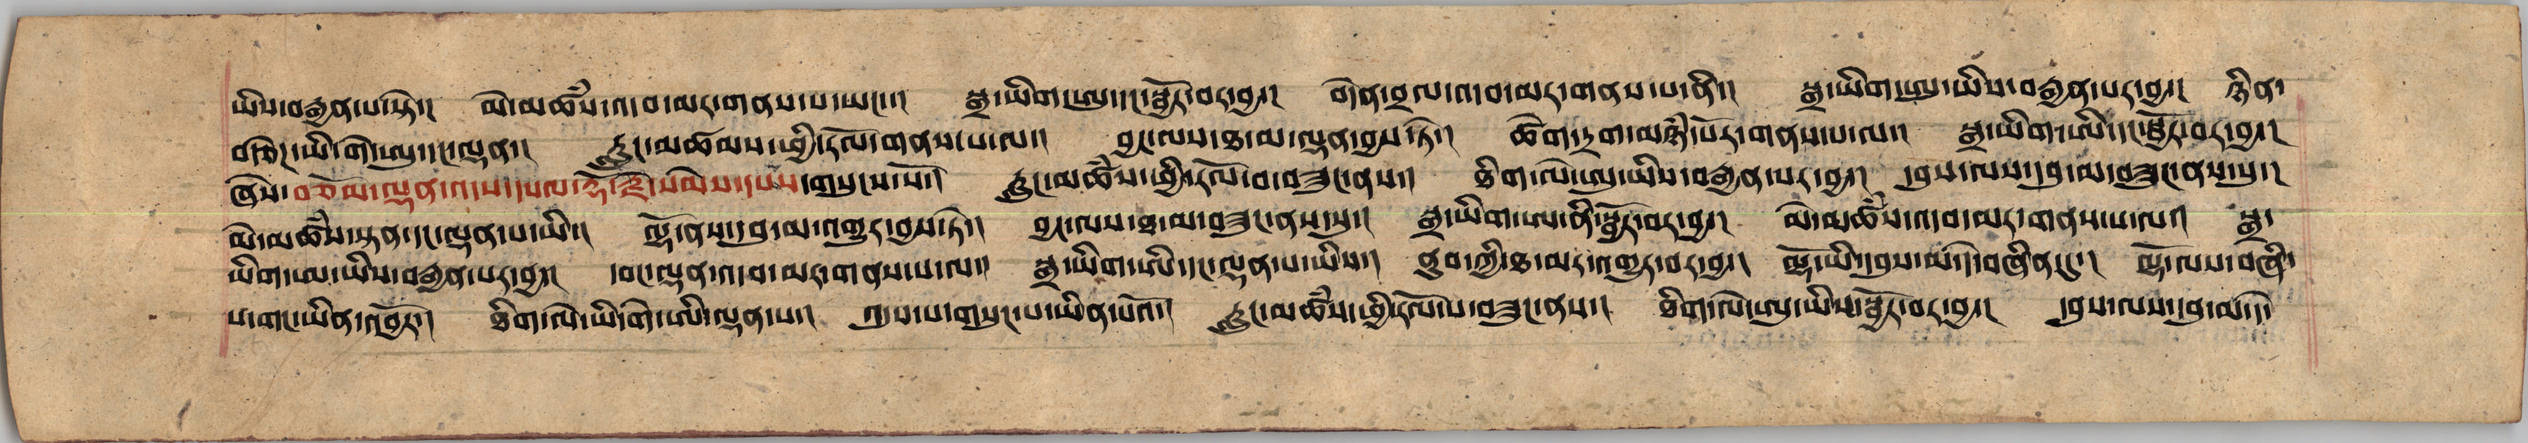ཡིས་བརྒྱན་པ་སྟེ་། མེ་མཚཾས་འདབ་མར་གནས་པ་ཡང་་། སྒྲ་ཡིག་ཨུ་དང་སྦྱོར་བར་བྱ་། བདེན་བྲལ་འདབ་མར་གནས་པ་ནི་། སྒྲ་ཡིག་ཨུ་ཡིས་བརྒྱན་པར་བྱ་། ཉིན་
བརྩེཌ་ཡི་གེ་ཨུ་དང་ལྡན་། རླུང་མཚམས་ཕྱི་རོལ་གནས་པ་ལ་། བྱང་ལས་ཐ་མ་ལྡན་བྱས་ཏེ་། ཚེག་དྲག་མཉཾ་པོར་གནས་པ་ལ་། སྒྲ་ཡིག་ཨི་དང་སྦྱོར་བར་བྱ་།
ཞེས་བཅོམ་ལྡན་འདས་དཔལ་རྡོ་རྗེ་སེམས་དཔས་གསུངས་སོ་། རླུང་མཚཾས་ཕྱི་རོལ་བ་བཟུང་ནས་། ཐིག་ལེ་ཨུ་ཡིས་བརྒྱན་པར་བྱ་། དབུས་ལས་དབུ་མ་བཟུང་ནས་སུ་།
མེ་མཚཾས་སྟན་དང་ལྡན་པ་ཡི་ ལྷོ་ནས་དབུ་མ་འགྱུར་བྱས་ཏེ་། བྱང་ལས་ཐ་མ་བཟུང་ནས་སུ་། སྒྲ་ཡིག་ཨ་ནི་སྦྱོར་བར་བྱ་། མེ་མཚཾས་འདབ་མར་གནས་པ་ལ་། སྒྲ་
ཡིག་ཨ་ཡིས་བརྒྱན་པར་བྱ་། དབང་ལྡན་འདབ་མར་གནས་པ་ལ་། སྒྲ་ཡིག་ཨི་དང་ལྡན་པ་ཡིས་། ནུབ་ཀྱི་ཐ་མར་འགྱུར་བར་བྱ་། ལྷོ་ཡི་དབུས་མ་དེ་བཞིན་དུ་། ལྷོ་ལས་བཞི་
པ་གང་ཡིན་འབྱོར་། ཐིག་ལེ་ཡི་གེ་ཨི་ལྡན་པ་། འདུས་པ་གསུང་པ་ཡིན་པའོ་། རླུང་མཚཾས་ཕྱི་རོལ་པ་བཟུང་ནས་། ཐིག་ལེ་ཨུ་ཡིས་སྦྱོར་བར་བྱ་། དབུས་ལས་དབུ་མ་དེ་